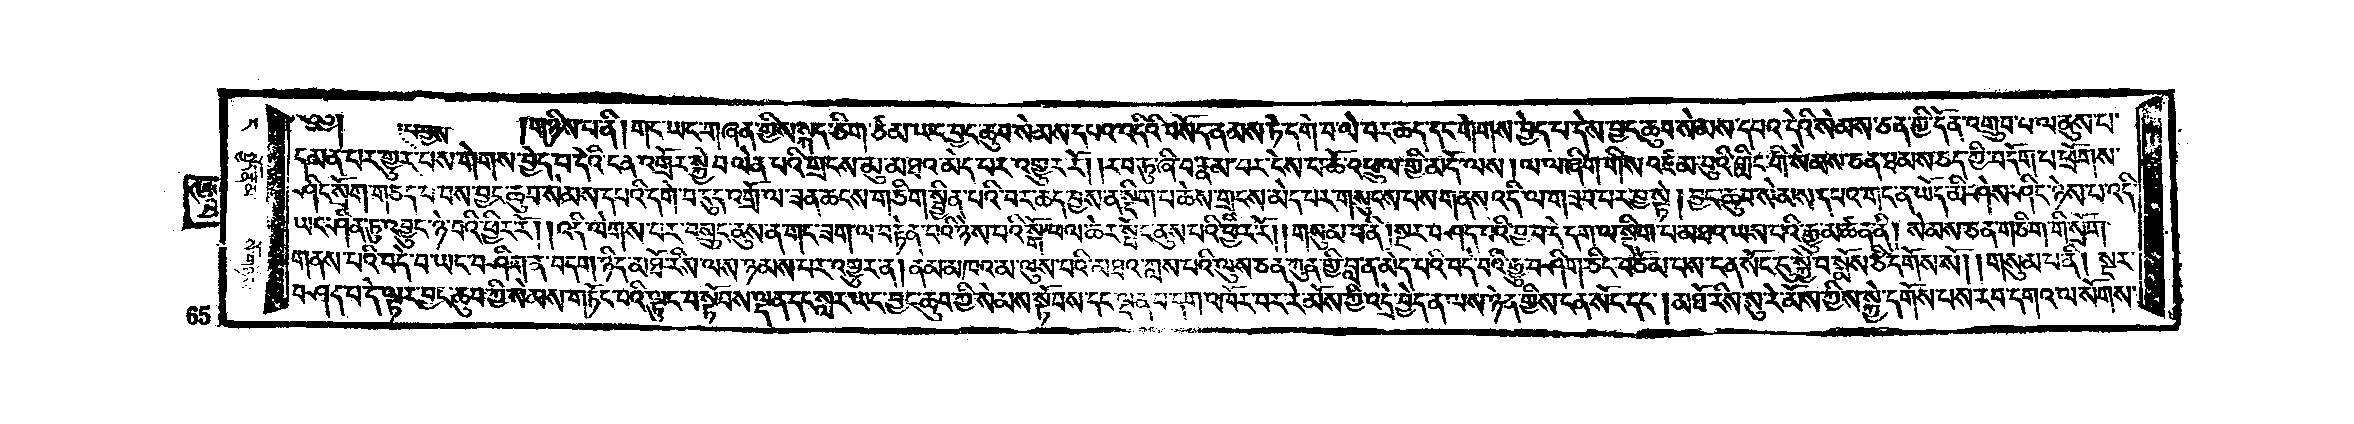༄༅། །གཉིས་པ་ནི། གང་ཡང་གཞན་གྱིས་སྐད་ཅིག་ཙམ་ཡང་བྱང་ཆུབ་སེམས་དཔའ་འདིའི་བསོད་ནམས་ཏེ་དགེ་བ་ལེ་བར་ཆད་དང་གེགས་བྱེད་པ་དེས་བྱང་ཆུབ་སེམས་དཔའ་དེའི་སེམས་ཅན་གྱི་དོན་འགྲུབ་པ་ལ་ནུས་པ་
དམན་པར་གྱུར་པ་བྱས་པས་གེགས་བྱེད་པ་དེའི་ངན་འགྲོར་ཀྱེ་བ་ལེན་པའི་གྲངས་མུ་མཐའ་མེད་པར་འགྱུར་རོ། །རབ་ཏུ་ཞི་བ་རྣམ་པར་ངེས་པ་ཆོ་འཕྲུལ་གྱི་མོད་ལས། ལ་ལ་ཞིག་གིས་འཛམ་བུའི་གླིང་གི་སེམས་ཅན་ཐམས་ཅད་ཀྱི་བདོག་པ་ཕྲོགས་
ཤིང་སྲོག་གཅད་པ་པས་བྱང་ཆུབ་སེམས་དཔའི་དགེ་བ་དུད་འགྲོ་ལ་ཟན་ཆངས་སྦྱིན་པའི་བར་ཆད་བྱས་ན་སྡིག་པ་ཆེས་གྲངས་མེད་པར་གསུངས་པས་གནས་འདི་ལ་གཟབ་པར་བྱ་སྟེ། བྱང་ཆུབ་སེམས་དཔའ་གང་ན་ཡོད་མི་ཤེས་ཤིང་ཉེས་པ་འདི་
ཡང་ཤིན་ཏུ་འབྱུང་ཉེ་བའི་ཕྱིར་རོ། །འདི་ལེགས་པར་བསྲུང་ནུས་ན་གང་ཟག་ལ་བརྟེན་པའི་ཉེས་པའི་སྒོ་ཕལ་ཆེར་སྤོང་ནུས་པའི་ཕྱིར་རོ། །གསུམ་པ་ནི། སྔར་བཤད་པའི་བྱ་བ་དེ་དག་ལ་སྡིག་པ་མཐའ་ཡས་པའི་རྒྱུ་མཚན་ནི། སེམས་ཅན་གཅིག་གི་སྲོག་
གནས་པའི་བདེ་བ་ཡང་བཤིག་ན་བདག་ཉིད་མཐོ་རིས་ལས་ཉམས་པར་འགྱུར་ན། ནམ་མཁའ་མ་ལུས་པའི་མཐའ་ཀླས་པའི་ལུས་ཅན་ཀུན་གྱི་བླ་ན་མེད་པའི་བདེ་བའི་རྒྱུ་བཤིག་ཅིང་བཅོམ་པས་ངན་སོང་དུ་སྐྱེ་བ་སྨོས་ཅི་དགོས་སོ། །གསུམ་པ་ནི། སྔར་
བཤད་པ་དེ་ལྟར་བྱང་ཆུབ་ཀྱི་སེམས་གྲོང་བའི་ལྟུང་བ་སྟོབས་ལྡན་དང་སླར་ཡང་བྱང་ཆུབ་ཀྱི་སེམས་སྟོབས་དང་ལྡན་པ་དག་འཁོར་བར་རེ་མོས་ཀྱི་འདྲེ་བྱེད་ན་ལས་ཉེན་གྱིས་ངན་སོང་དང་། མཐོ་རིས་སུ་རེ་མོས་ཀྱིས་སྐྱེ་དགོས་པས་རབ་དགའ་ལ་སོགས་